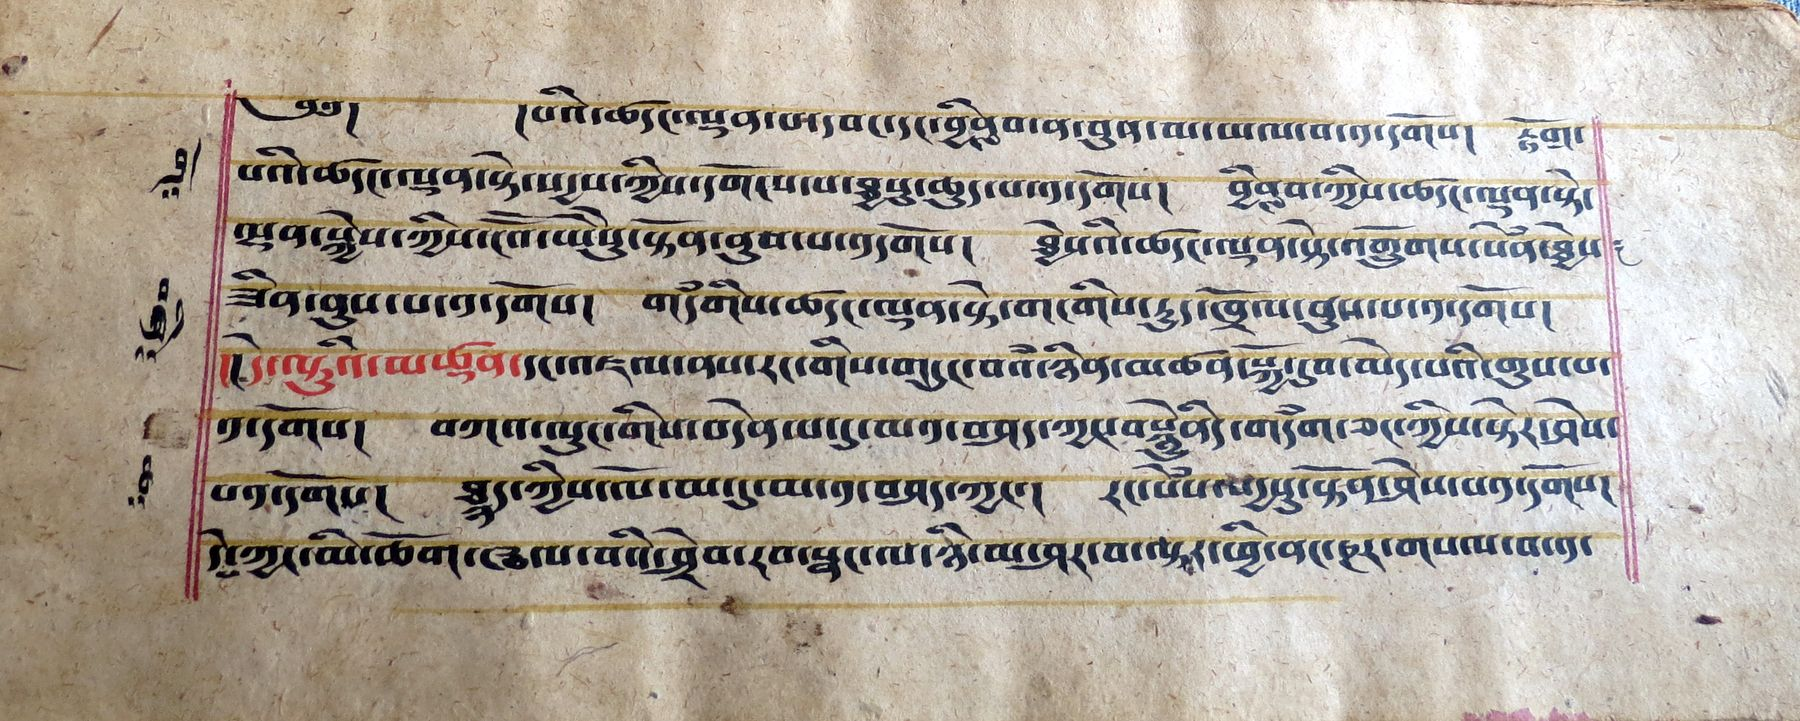པ་ཚད་དང་ལྡན་པ་དབང་དང་བྱིན་རླབས་ཀྱི་ན་བུན་མ་ཡལ་བ་ཞིག་དགོས། རྟོགས་
པའི་ཚད་དང་ལྡན་ཏེ་སངས་རྒྱས་ཀྱི་དགོངས་པ་ཐུགས་སུ་ཆུད་པ་ཞིག་དགོས། བྱིན་རླབས་ཚད་དང་ལྡན་ཏེ་
ལྷན་སྐྱེས་ཀྱི་ངོ་བོ་ཡེ་ཤེས་སྟོན་ནུས་པ་ཞིག་དགོས། ཐུགས་རྗེ་ཚད་དང་ལྡན་ཏེ་འགྲོ་བ་སེམས་ཅན་ནི་ཐུགས་རྗེས་
ཟིན་ནུས་པ་ཞིག་དགོས། གདམས་ངག་གི་ཚད་དང་ལྡན་ཏེ་གང་ཟག་གི་རྒྱུད་འགྲོལ་ནུས་པ་ཞིག་དགོས། 
དེ་ལྟ་བུའི་མཚན་ལྡན་དང་མཇལ་ནས། རང་གི་གདུང་བའི་ཉིན་མཚན་སྐྱོ་དུབ་མེད་པའི་གུས་པ་
ཞིག་དགོས། བཀའ་ལུང་གི་བདེན་པ་དུ་བཤད་ཀྱང། སྙན་རྒྱུད་ཀྱི་གདམས་པ་གཙང་དེར་སྟོན་ཤེས་
པ་ཅིག་དགོས། ཐ་སྙད་ཀྱི་ལོ་མ་དུ་བཤད་ཀྱང། རང་སེམས་སངས་རྒྱས་སུ་སྟོན་ཤེས་པ་ཅིག་དགོས། 
དེས་ཀྱང་མི་ཆོག་བཙལ་བའི་ཤེས་རབ་བར་སྣང་ལ་ཉི་མ་ཤར་བ་ལྟ་བུ་ཕྱི་ནང་མེད་པ་གསལ་བ་ཞིག་